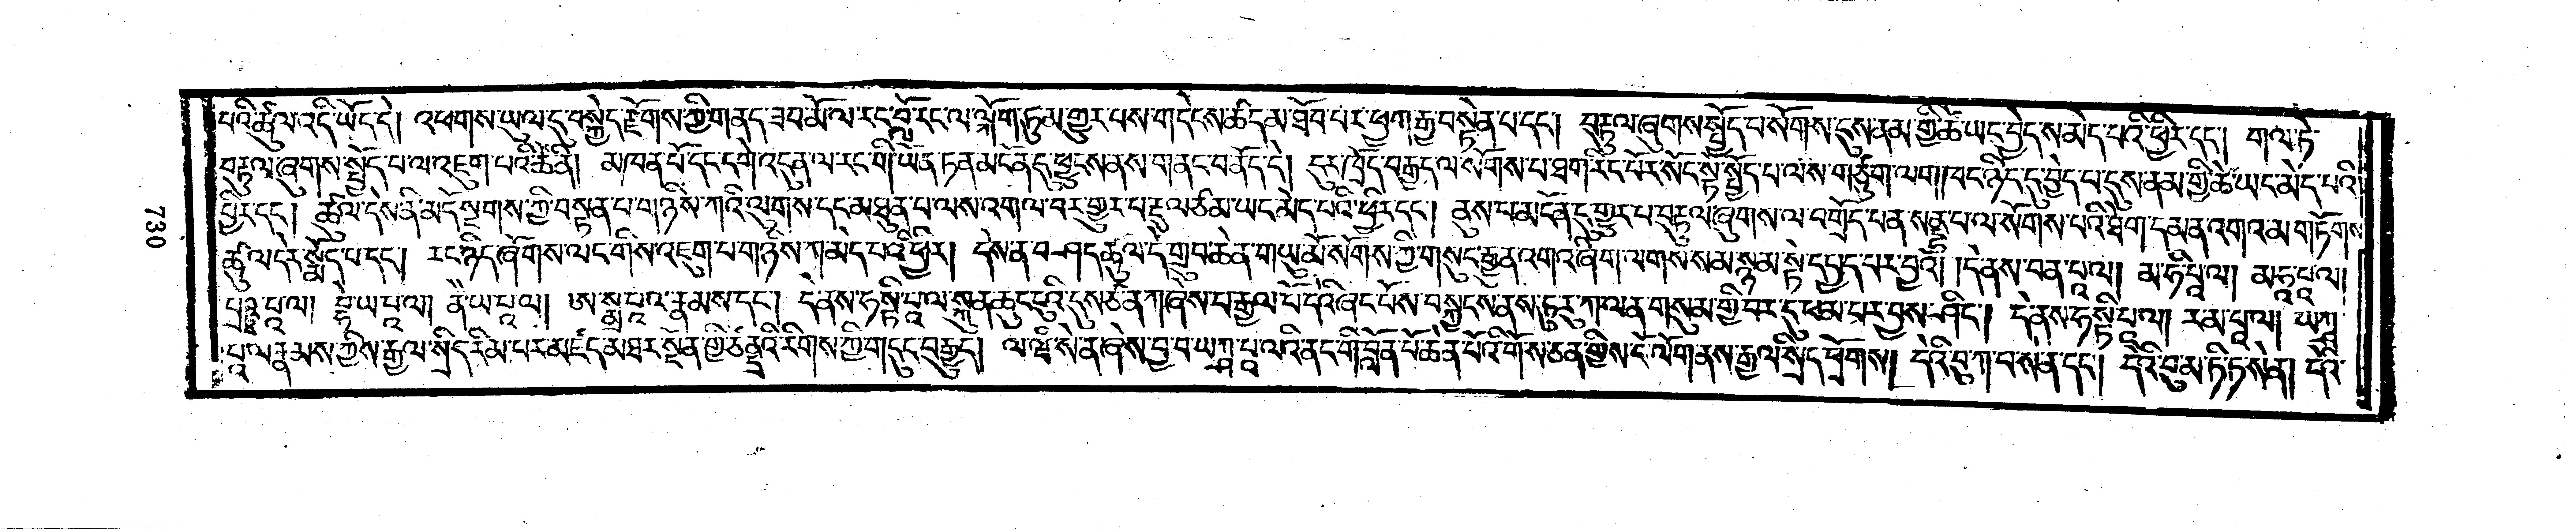པའི་ཚུལ་འདི་ཡོད་དེ། འཕགས་ཡུལ་དུ་བསྐྱེད་རྫོགས་ཀྱི་གནད་ཟབ་མོ་ལ་རང་བློ་རང་ལ་ལྐོག་ཏུ་མ་གྱུར་པས་གདེངས་ཚད་མ་ཐོབ་པར་ཕྱག་རྒྱ་བསྟེན་པ་དང་། བརྟུལ་ཞུགས་སྤྱོད་པ་སོགས་དུས་ནམ་གྱི་ཚེ་ཡང་བྱེད་ས་མེད་པའི་ཕྱིར་དང་། གལ་ཏེ་
བརྟུལ་ཞུགས་སྤྱོད་པ་ལ་འཇུག་པའི་ཚེ་ནི། མཁན་པོ་དང་དགེ་འདུན་ལ་རང་གི་ཡོན་ཏན་མངོན་དུ་ཕྱུངས་ནས་གནང་བ་ནོད་དེ། དུར་ཁྲོད་བརྒྱད་ལ་སོགས་པ་ཐག་རིང་པོར་སོང་སྟེ་སྤྱོད་པ་ལས་གཙུག་ལག་ཁང་ཉིད་དུ་བྱེད་པ་དུས་ནམ་གྱི་ཚེ་ཡང་མེད་པའི་
པྱིར་དང་། ཚུལ་དེས་ནི་མདོ་སྔགས་ཀྱི་བསྟན་པ་གཉིས་ཀའི་ལུགས་དང་མཐུན་པ་ལས་འགལ་བར་གྱུར་པ་རྡུལ་ཙམ་ཡང་མེད་པའི་ཕྱིར་དང་། ནུས་པ་མངོན་དུ་གྱུར་པ་བརྟུལ་ཞུགས་ལ་བགྲོད་པ་ན་སནྡྷ་པ་ལ་སོགས་པའི་ཐེག་དམན་འགའ་མ་གཏོགས་
ཚུལ་དེར་སྨོད་པ་དང་། རང་ཉིད་ཞོགས་ལང་གིས་འཇུག་པ་གཉིས་ཀ་མེད་པའི་ཕྱིར། དེས་ན་བཤད་ཚུལ་དེ་གྲུབ་ཆེན་གཡུ་མོ་སོགས་ཀྱི་གསུང་རྒྱུན་འགའ་ཞིག་ལགས་སམ་སྙམ་སྟེ་དཔྱད་པར་བྱའོ། །དེ་ནས་བན་པཱ་ལ། མ་ཧི་པཱ་ལ། མཧཱ་པཱ་ལ།
པྲཥཊཿཨ་པཱ་ལ། བྷེ་ཡ་པཱ་ལ། ནཻ་ཡ་པཱ་ལ། ཨ་སྨྲ་པཱ་ལ་རྣམས་དང་། དེ་ནས་ཧསྟི་པཱ་ལ་སྐུན་ཆུང་ངུའི་དུས་ཙ་ན་ཀ་ཞེས་པ་རྒྱལ་པོ་དེའི་ཞང་པོས་བསྐྱངས་ནས་ཏུ་རུ་ཀ་ལན་གསུམ་གྱི་བར་དུ་ཕམ་པར་བྱས་ཤིང་། དེ་ནས་ཧསྟི་པཱལ། ར་མ་པཱ་ལ། ཡཀྴ་
པཱ་ལ་རྣམས་ཀྱིས་རྒྱལ་སྲིད་རིམ་པར་མཛད་མཐར་སྔོན་གྱི་ཙནྡྲའི་རིགས་ཀྱི་གདུང་བརྒྱུད། ལ་ཝཾ་སེ་ན་ཞེས་བྱ་བ་ཡཀྴ་པཱ་ལའི་ནང་གི་བློན་པོ་ཆེན་པོའི་གོ་ས་ཅན་གྱིས་ངོ་ལོག་ནས་རྒྱལ་སྲིད་ཕྲོགས། དེའི་བུ་ཀ་པ་ས་ན་དང་། དེའི་བུ་མ་ཏི་ཏ་སེན། དེའི་